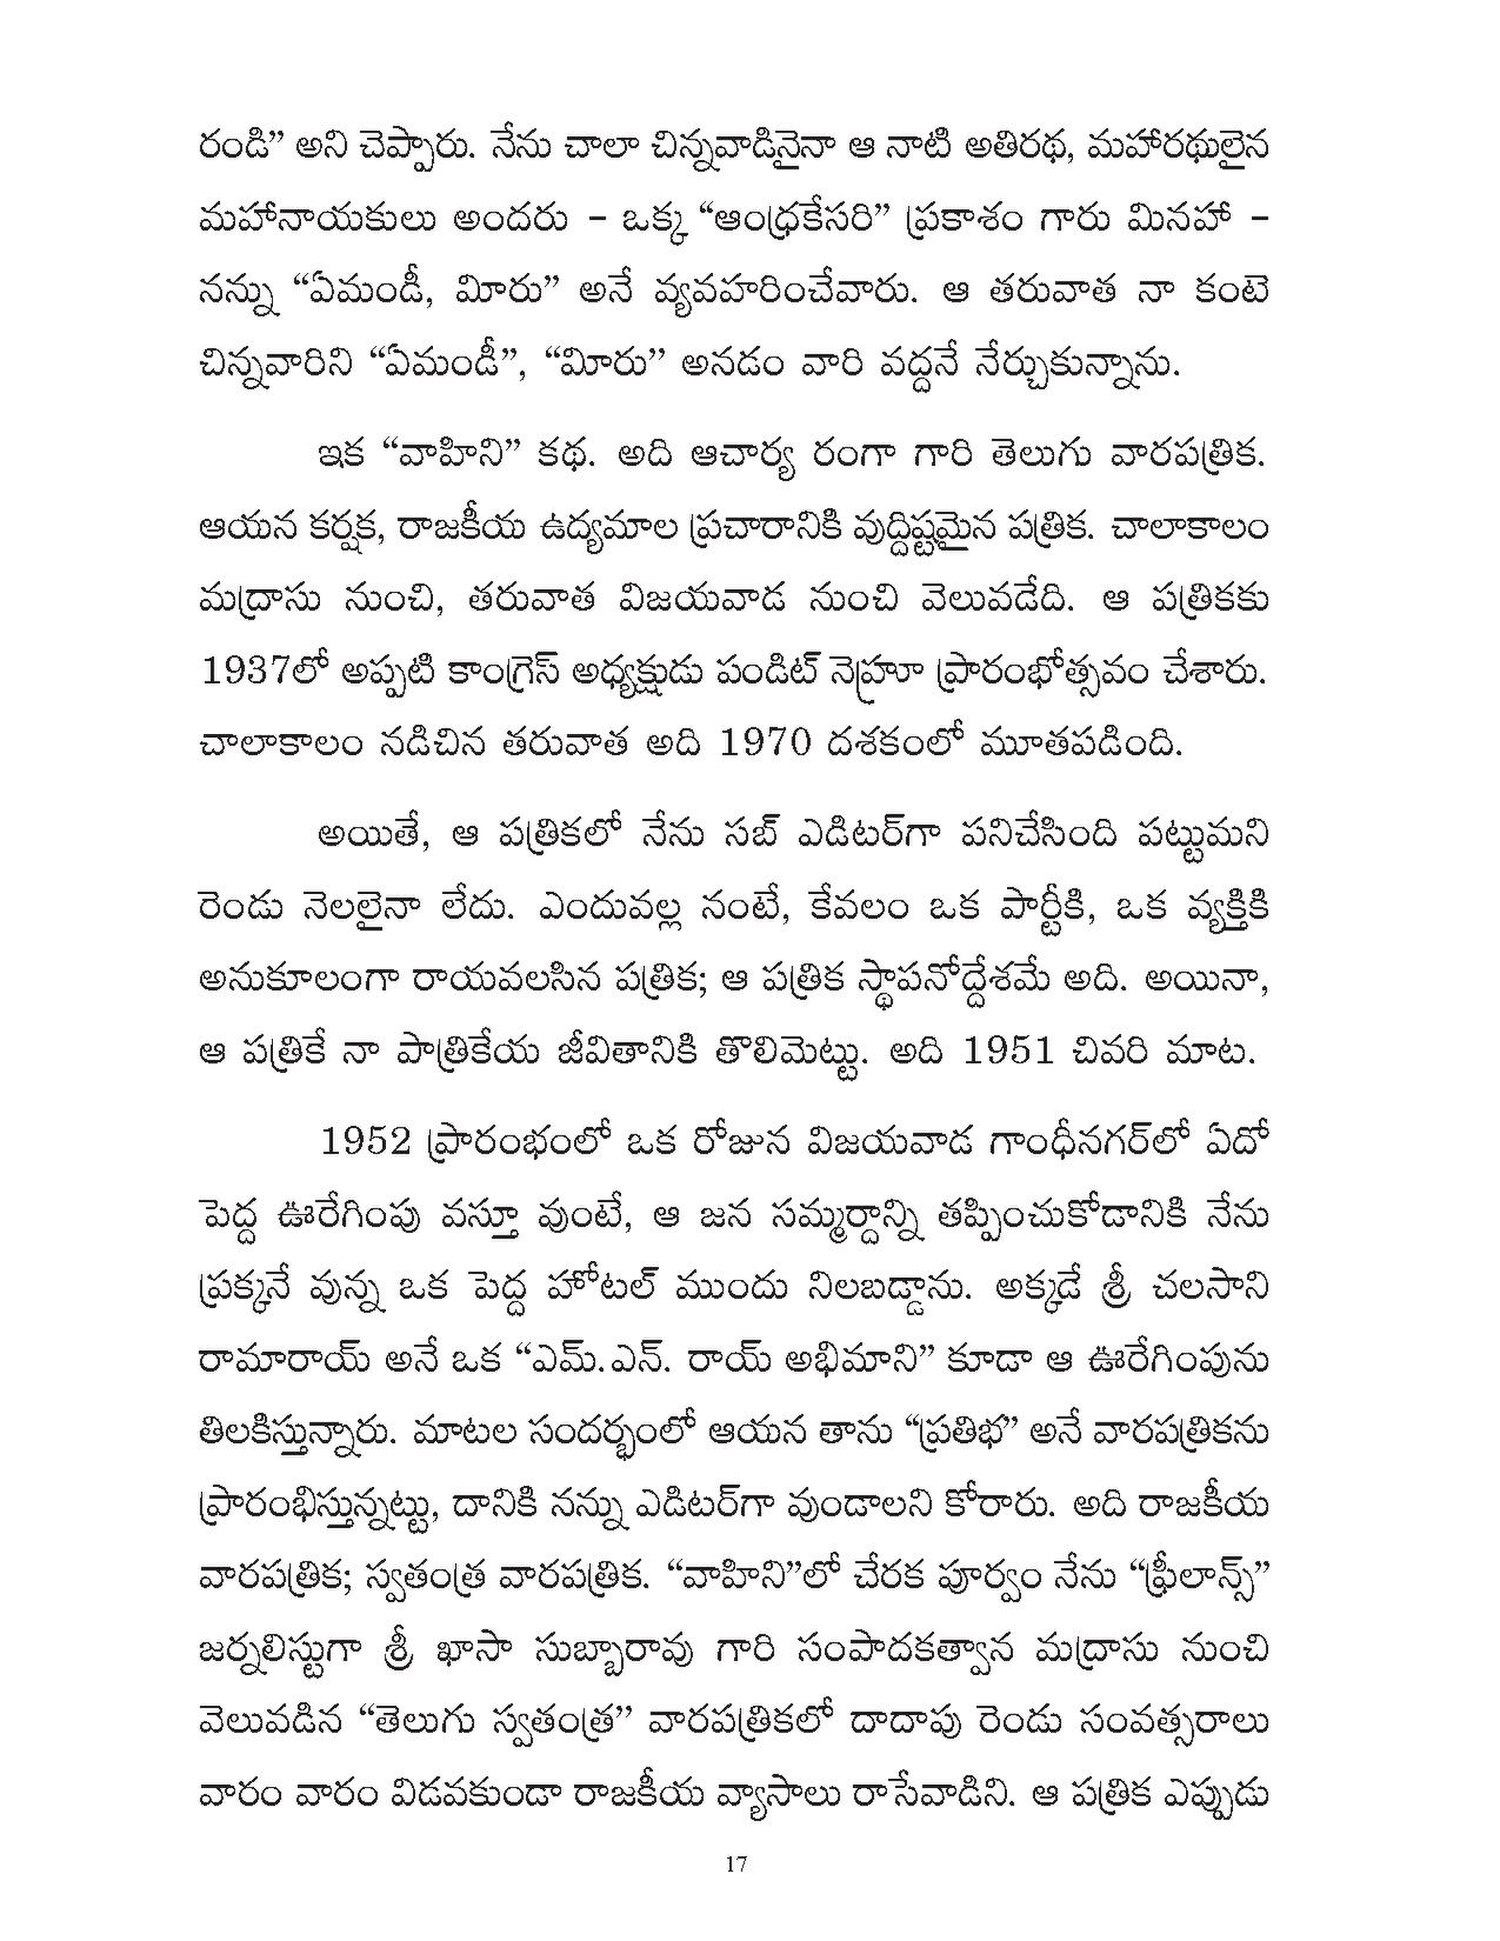రండి" అని చెప్పారు. నేను చాలా చిన్నవాడినైనా ఆ నాటి అతిరథ, మహారథులైన
మహానాయకులు అందరు - ఒక్క "ఆంధ్రకేసరి" ప్రకాశం గారు మినహా -
నన్ను "ఏమండీ, మీరు" అనే వ్యవహరించేవారు. ఆ తరువాత నా కంటె
చిన్నవారిని "ఏమండీ", "మీరు" అనడం వారి వద్దనే నేర్చుకున్నాను.

ఇక "వాహిని" కథ. అది ఆచార్య రంగా గారి తెలుగు వారపత్రిక.
ఆయన కర్షక, రాజకీయ ఉద్యమాల ప్రచారానికి వుద్దిష్టమైన పత్రిక. చాలాకాలం
మద్రాసు నుంచి, తరువాత విజయవాడ నుంచి వెలువడేది. ఆ పత్రికకు
1937లో అప్పటి కాంగ్రెస్‌ అధ్యక్షుడు పండిట్‌ నెహ్రూ ప్రారంభోత్సవం చేశారు.
చాలాకాలం నడిచిన తరువాత అది 1970 దశకంలో మూతపడింది.

అయితే, ఆ పత్రికలో నేను సబ్‌ ఎడిటర్‌గా పనిచేసింది పట్టుమని
రెండు నెలలైనా లేదు. ఎందువల్ల నంటే, కేవలం ఒక పార్టీకి, ఒక వ్యక్తికి
అనుకూలంగా రాయవలసిన పత్రిక; ఆ పత్రిక స్థాపనోద్దేశమే అది. అయినా,
ఆ పత్రికే నా పాత్రికేయ జీవితానికి తొలిమెట్టు. అది 1951 చివరి మాట.

1952 ప్రారంభంలో ఒక రోజున విజయవాడ గాంధీనగర్‌లో ఏదో
పెద్ద ఊరేగింపు వస్తూ వుంటే, ఆ జన సమ్మర్దాన్ని తప్పించుకోడనికి నేను
ప్రక్కనే వున్న ఒక పెద్ద హోటల్‌ ముందు నిలబడ్డాను. అక్కడే శ్రీ చలసాని
రామారాయ్ అనే ఒక "ఎమ్‌.ఎన్‌. రాయ్ అభిమాని" కూడా ఆ ఊరేగింపును
తిలకిస్తున్నారు. మాటల సందర్భంలో ఆయన తాను "ప్రతిభ" అనే వారపత్రికను
ప్రారంభిస్తున్నట్టు, దానికి నన్ను ఎడిటర్‌గా వుండాలని కోరారు. అది రాజకీయ
వారపత్రిక; స్వతంత్ర వారపత్రిక. "వాహిని"లో చేరక పూర్వం నేను "ఫ్రీలాన్స్‌"
జర్నలిస్టుగా శ్రీ ఖాసా సుబ్బారావు గారి సంపాదకత్వాన మద్రాసు నుంచి
వెలువడిన "తెలుగు స్వతంత్ర" వారపత్రికలో దాదాపు రెండు సంవత్సరాలు
వారం వారం విడవకుండా రాజకీయ వ్యాసాలు రాసేవాడిని. ఆ పత్రిక ఎప్పుడు